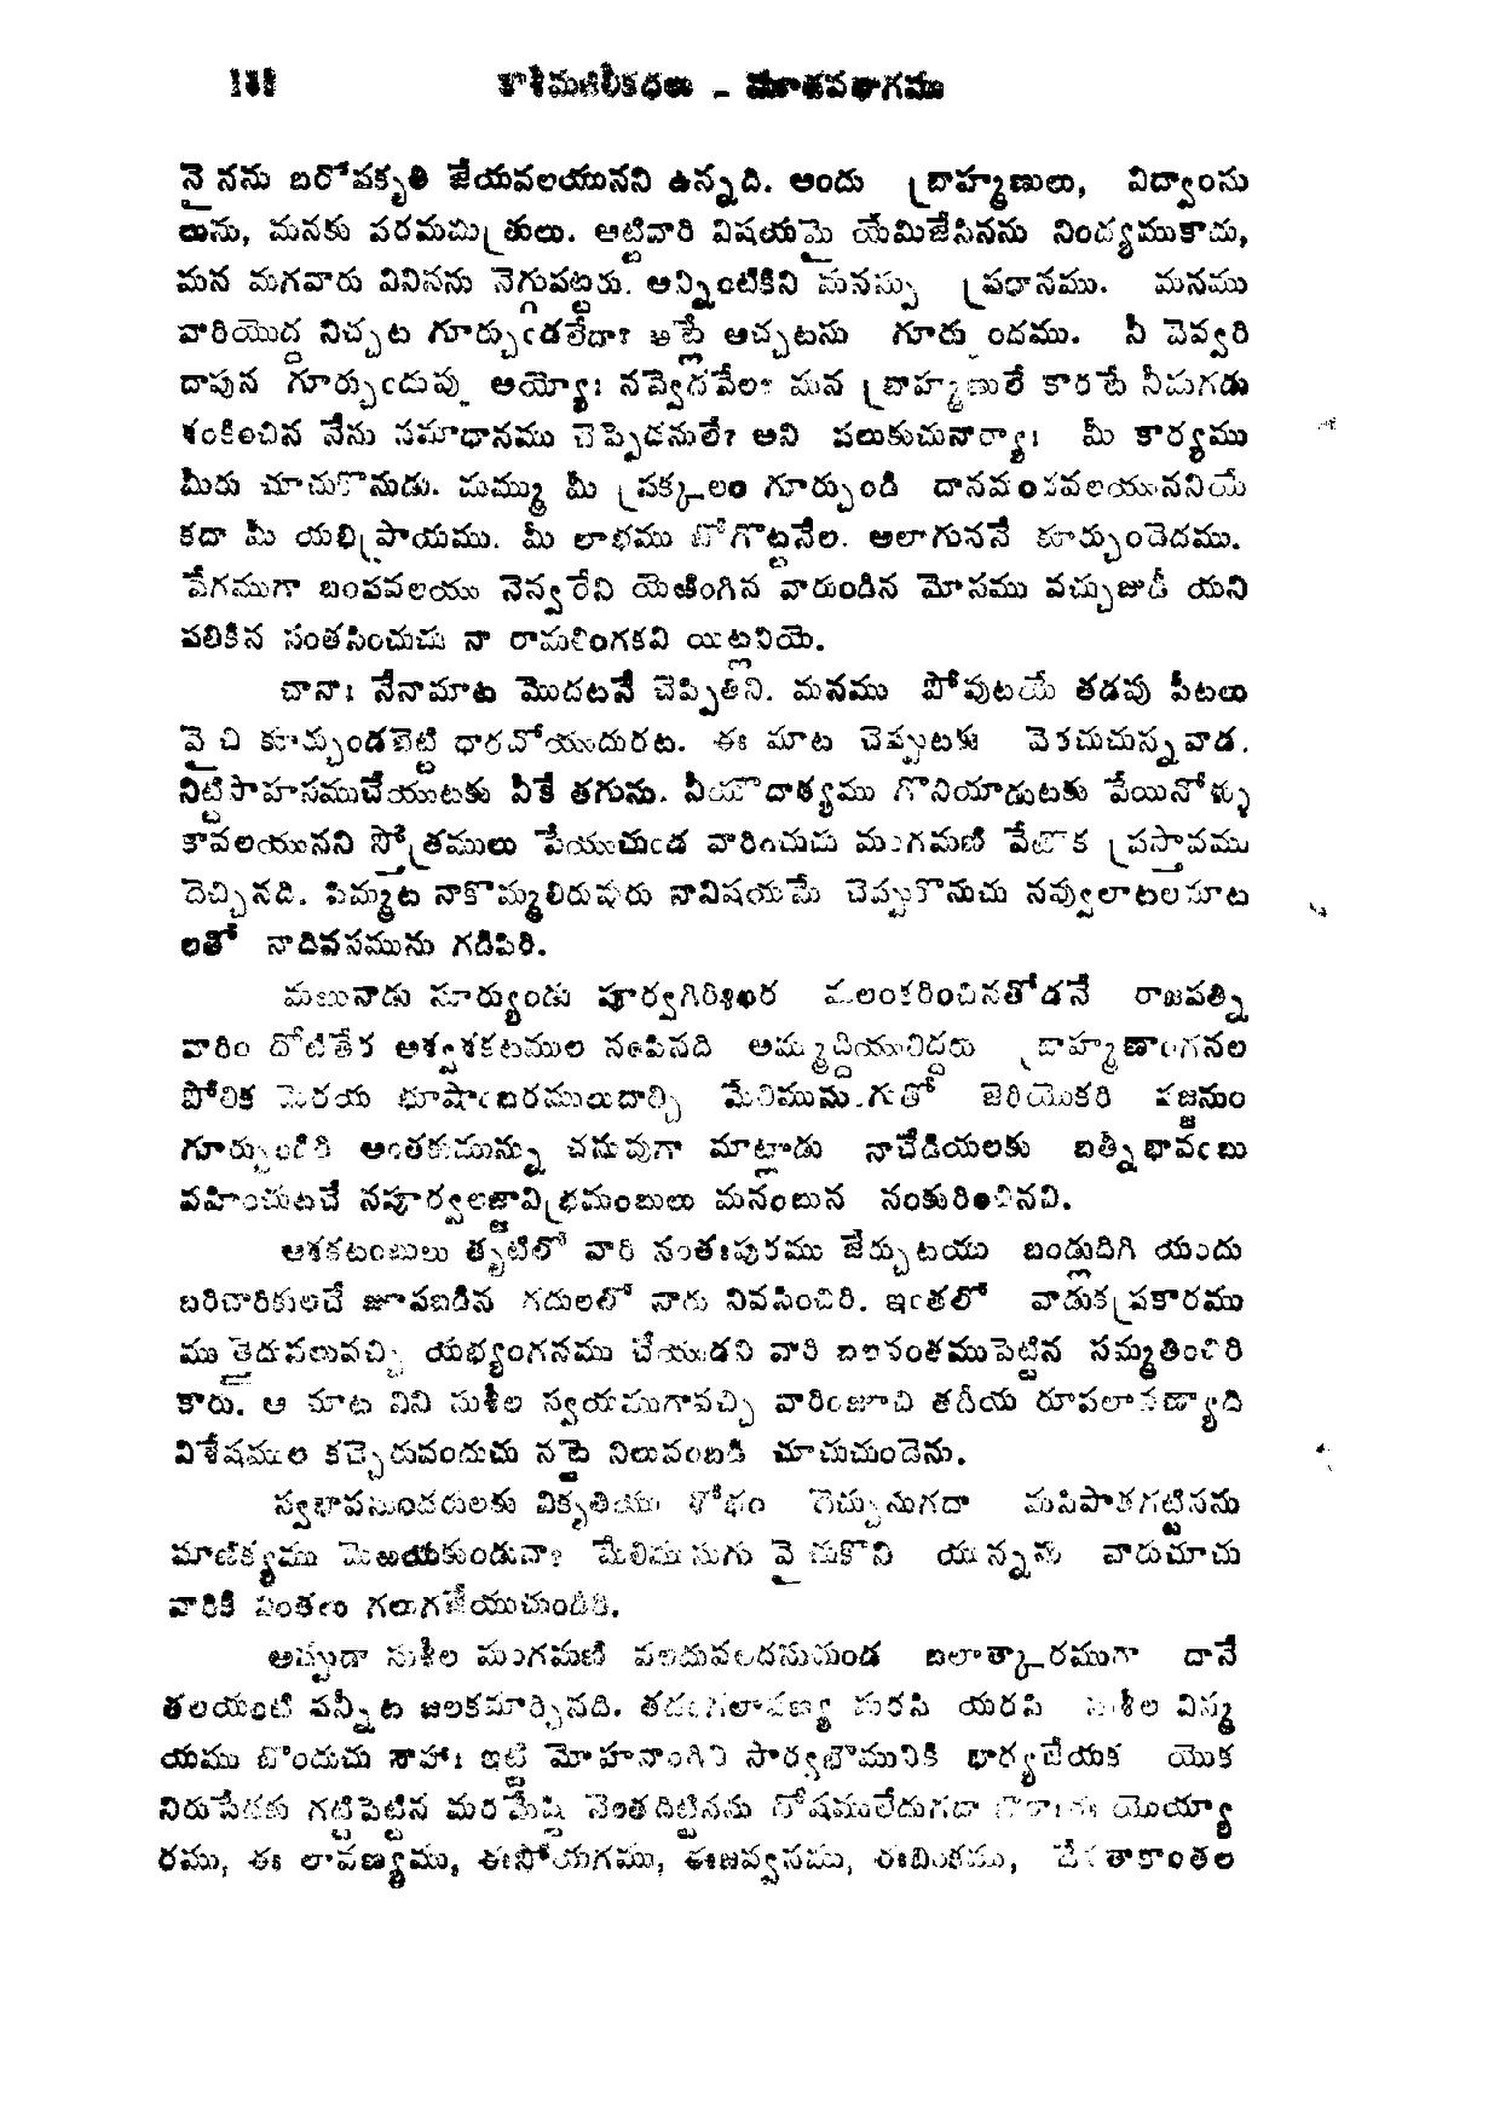నై నను బరోపకృతి జేయవలయునని ఉన్నది. అందు బ్రాహ్మణులు, విద్వాంసులును, మనకు పరమమిత్రులు. అట్టివారి విషయమై యేమిజేసినను నింద్యముకాదు, మన మగవారు వినినను నెగ్గుపట్టరు. అన్నింటికిని మనస్సు ప్రధానము. మనము వారియొద్ద నిచ్చట గూర్చుండలేదా? అట్లే అచ్చటను గూర్చుందము. నీ వెవ్వరిదాపున గూర్చుందువు అయ్యో! నవ్వెదవేల? మన బ్రాహ్మణులే కారటే నీమగడు శంకించిన నేను సమాధానము చెప్పెదనులే? అని పలుకుచు నార్యా! మీ కార్యము మీరు చూచుకొనుడు. మమ్ము మీప్రక్కలం గూర్చుండి దానమందవలయుననియే కదా మీ యభిప్రాయము. మీ లాభము బోగొట్టనేల. అలాగుననే కూర్చుండెదము. వేగముగా బంపవలయు నెవ్వరేని యెఱింగినవా రుండిన మోసము వచ్చుజుడీ యని పలికిన సంతసించుచు నా రామలింగకవి యిట్లనియె.

చానా! నేనామాట మొదటనే చెప్పితిని. మనము పోవుటయే తడవు పీటలు వైచి కూర్చుండబెట్టి ధారవోయుదురట. ఈ మాట చెప్పుటకు వెరచుచున్నవాడ. నిట్టిసాహసము చేయుటకు నీకే తగును. నీయౌదార్యము గొనియాడుటకు వేయినోళ్ళు కావలయునని స్తోత్రములు సేయుచుండ వారించుచు మంగమణి వేఱొక ప్రస్తావము దెచ్చినది. పిమ్మట నాకొమ్మలిరువురు నావిషయమే చెప్పుకొనుచు నవ్వులాటలమాటలతో నాదివసమును గడిపిరి.

మఱునాడు సూర్యుండు పూర్వగిరిశిఖర మలంకరించినతోడనే రాజపత్ని వారిం దోటితేర అశ్వశకటముల నంపినది అమ్ముద్దియులిద్దరు బ్రాహ్మణాంగనల పోలిక మెరయ భూషాంబరములు దాల్చి మేలిముసుగుతో జెరియొకరి పజ్జనుం గూర్చుండిరి అంతకుమున్ను చనువుగా మాట్లాడు నాచేడియలకు బత్నీభావంబు వహించుటచే నపూర్వలజ్జావిభ్రమంబులు మనంబున నంకురించినవి.

ఆశకటంబులు తృటిలో వారి నంతఃపురము జేర్చుటయు బండ్లుదిగి యందు బరిచారికులచే జూపబడిన గదులలో వారు నివసించిరి. ఇంతలో వాడుకప్రకారము ముత్తెదవలువచ్చి యభ్యంగనము చేయుడని వారి బలవంతముపెట్టిన సమ్మతించిరి కారు. ఆ మాట విని సుశీల స్వయముగావచ్చి వారింజూచి తదీయ రూపలావణ్యాదివిశేషముల కచ్చెరువందుచు నట్లె నిలువంబడి చూచుచుండెను.

స్వభావసుందరులకు వికృతియు శోభం దెచ్చునుగదా మసిపాతగట్టినను మాణిక్యము మెఱయకుండునా? మేలిముసుగు వైచుకొని యున్నను వారు చూచువారికి వింతలు గలుగజేయుచుండిరి.

అప్పుడా సుశీల మంగమణి వలదువలదనుచుండ బలాత్కారముగా దానే తలయంటి పన్నీట జలకమార్చినది. తదంగలావణ్య మరసి యరసి సుశీల విస్మయము బొందుచు నాహా! ఇట్టి మోహనాంగిని సార్వభౌమునికి భార్యజేయక యొక నిరుపేదకు గట్టిపెట్టిన మరమేష్టి నెంతదిట్టినను దోషములేదుగదా. ఔరా! ఈ యొయ్యారము, ఈ లావణ్యము, ఈసోయగము, ఈ జవ్వనము, ఈబింకము, దేవతాకాంతల